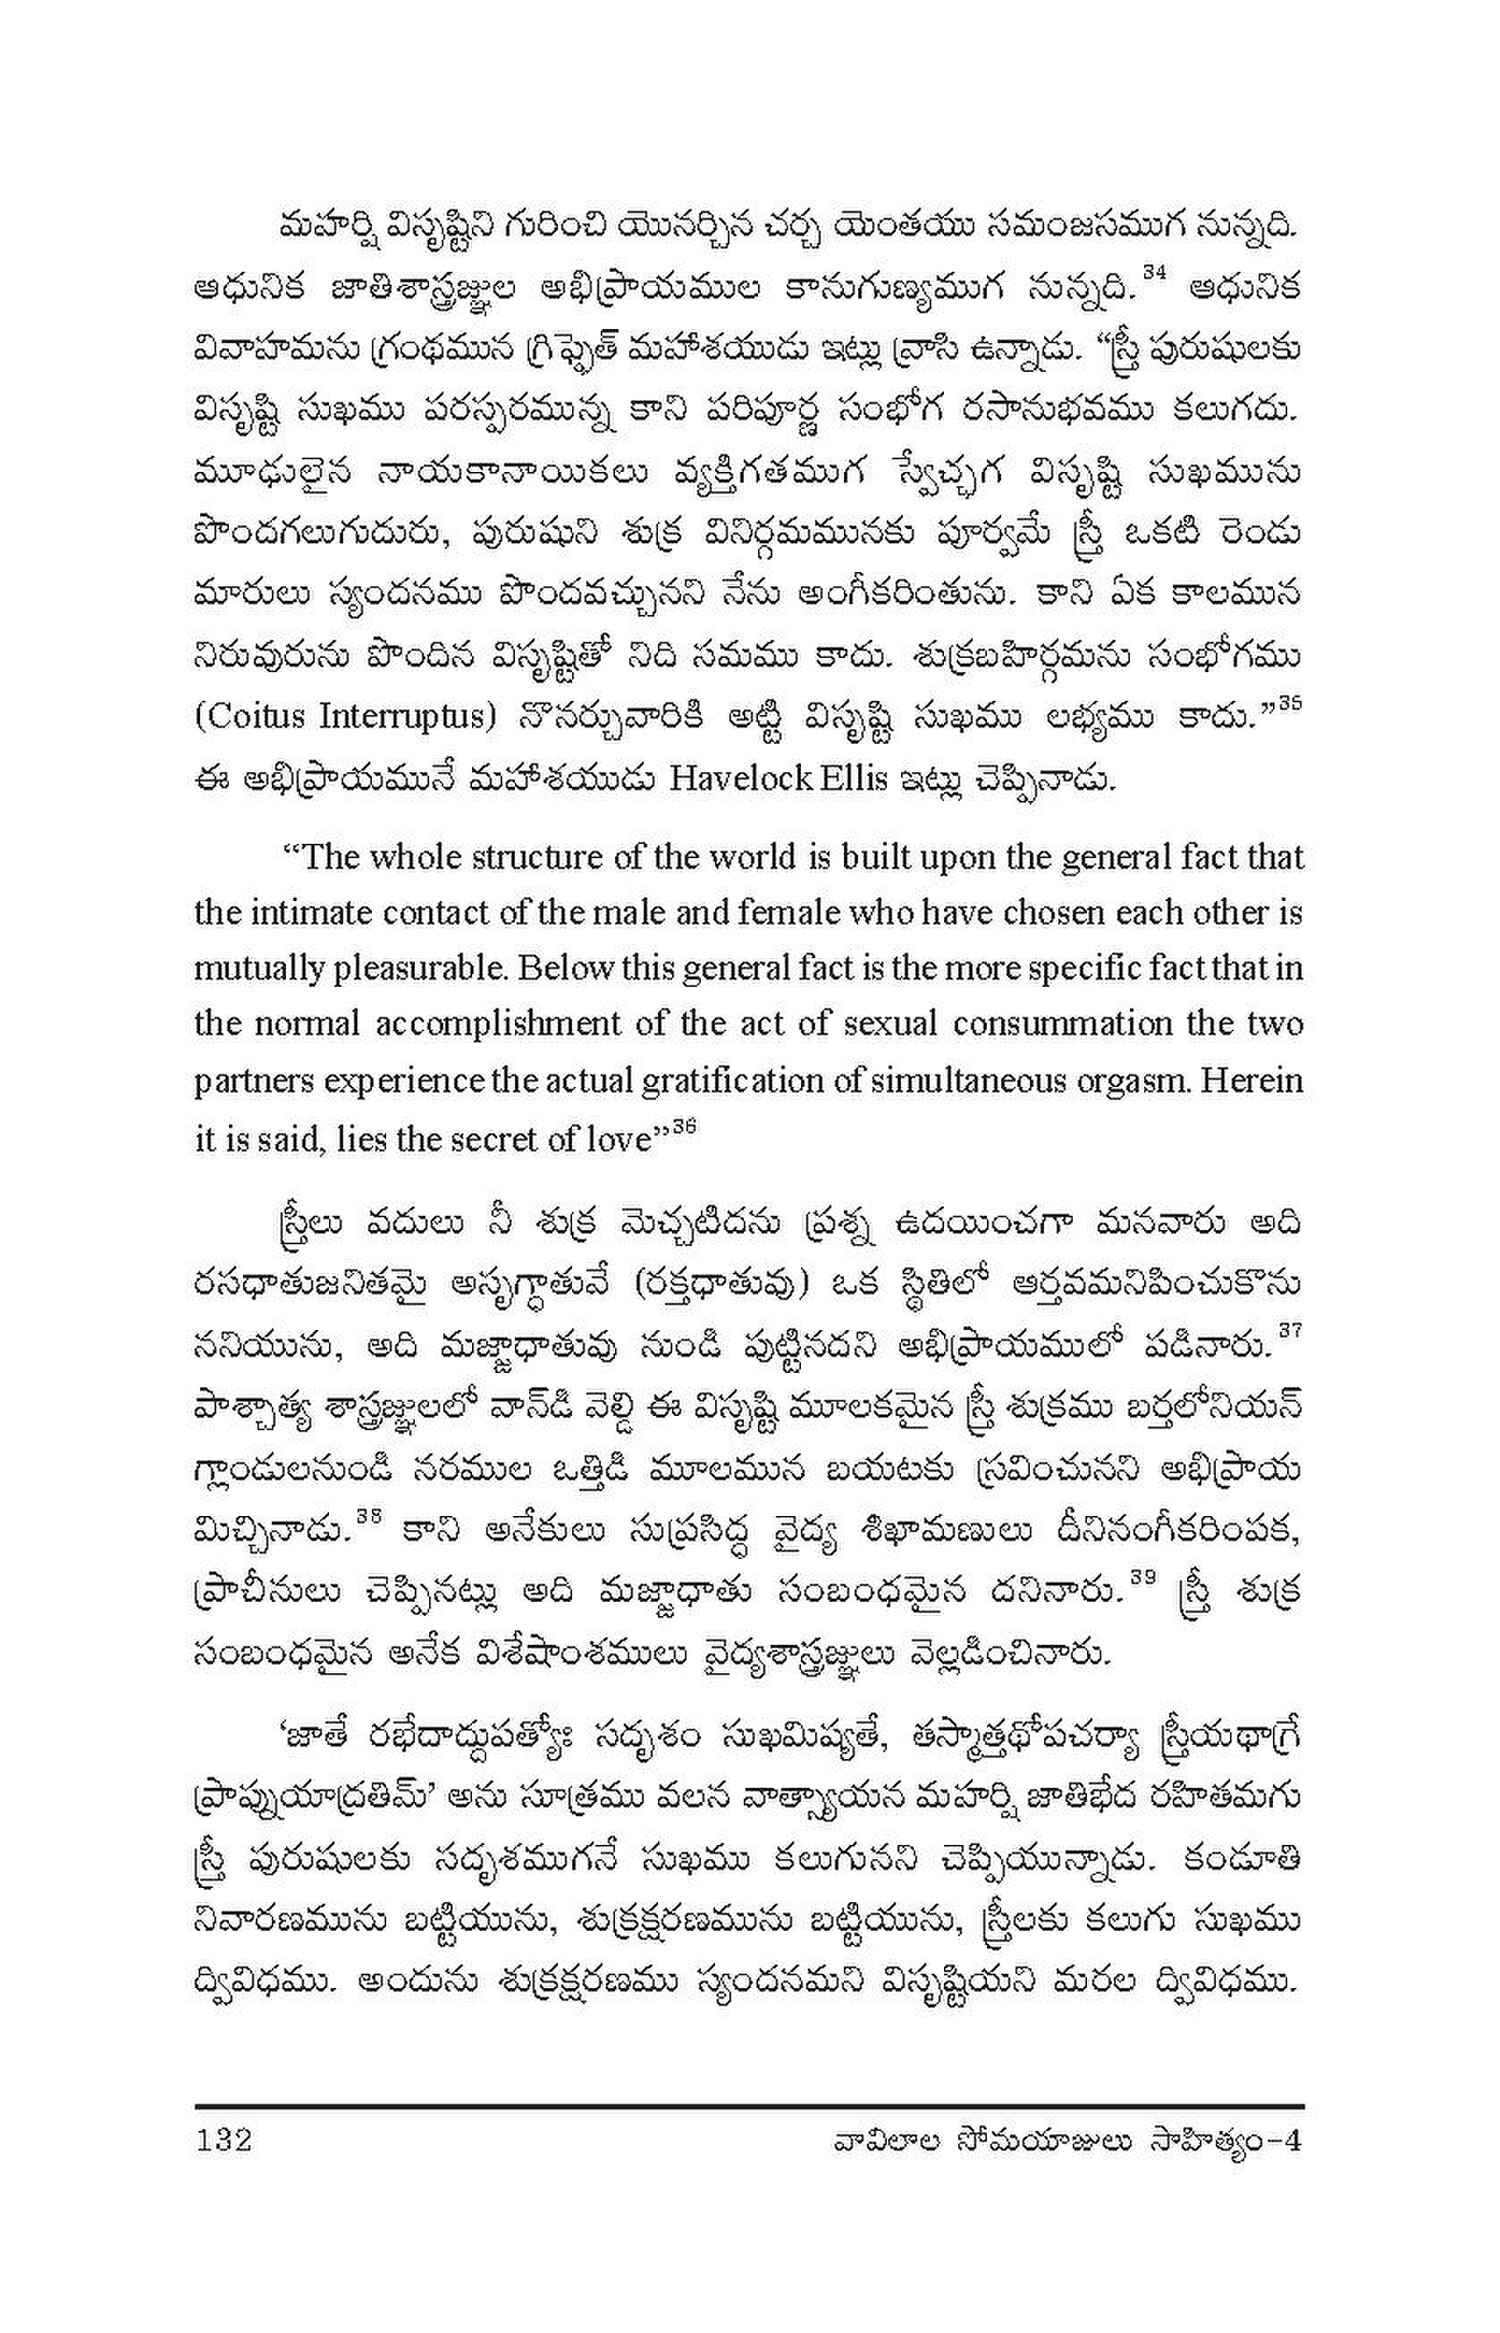మహర్షి విసృష్టిని గురించి యొనర్చిన చర్చ యెంతయు సమంజసముగ నున్నది.
ఆధునిక జాతిశాస్త్రజ్ఞుల అభిప్రాయములు కానుగుణ్యముగ నున్నది. ఆధునిక
వివాహమను గ్రంథమున గ్రిఫ్ఫెత్ మహాశయుడు ఇట్లు వ్రాసి ఉన్నాడు. "స్త్రీ పురుషులకు
విసృష్టి సుఖము పరస్పరమున్న కాని పరిపూర్ణ సంభోగ రసానుభవము కలుగదు.
మూఢులైన నాయకానాయికలు వ్యక్తిగతముగ స్వేచ్ఛగ విసృష్టి సుఖమును
పొందగలుగుదురు, పురుషుని శుక్ర వినిర్గమమునకు పూర్వమే స్త్రీ ఒకటి రెండు
మారులు స్యందనము పొందవచ్చునని నేను అంగీకరింతును. కాని ఏక కాలమున
నిరువురును పొందిన విసృష్టితో నిది సమము కాదు. శుక్రబహిర్గమను సంభోగము
(Coitus Interruptus) నొనర్చువారికి అట్టి విసృష్టి సుఖము లభ్యము కాదు. 
ఈ అభిప్రాయమునే మహాశయుడు Havelock Ellis ఇట్లు చెప్పినాడు.

“The whole structure of the world is built upon the general fact that
the intimate contact of the male and female who have chosen each other is
mutually pleasurable. Below this general fact is the more specific fact that in
the normal accomplishment of the act of sexual consummation the two
partners experience the actual gratification of simultaneous orgasm. Herein
it is said, lies the secret of love"

స్త్రీలు వదులు నీ శుక్ర మెచ్చటిదను ప్రశ్న ఉదయించగా మనవారు అది
రసధాతుజనితమై అసృగ్ధాతునే (రక్తధాతువు) ఒక స్థితిలో ఆర్తవమనిపించుకొను
ననియును, అది మజ్జాధాతువు నుండి పుట్టినదని అభిప్రాయములో పడినారు. 
పాశ్చాత్య శాస్త్రజ్ఞులలో వాన్ డివెల్డి ఈ విసృష్టి మూలకమైన స్త్రీ శుక్రము బర్తలోనియన్
గ్లాండులనుండి నరముల ఒత్తిడి మూలమున బయటకు స్రవించునని అభిప్రాయ
మిచ్చినాడు. కాని అనేకులు సుప్రసిద్ధ వైద్య శిఖామణులు దీనినంగీకరింపక,
ప్రాచీనులు చెప్పినట్లు అది మజ్జాధాతు సంబంధమైన దనినారు. స్త్రీ శుక్ర
సంబంధమైన అనేక విశేషాంశములు వైద్యశాస్త్రజ్ఞులు వెల్లడించినారు.

'జాతే రభేదాద్దుపత్యోః సదృశం సుఖమిష్యతే, తస్మాత్తథోపచర్యా స్త్రీయథాగ్రే
ప్రాప్నుయాద్రతిమ్' అను సూత్రము వలన వాత్స్యాయన మహర్షి జాతిభేద రహితమగు
స్త్రీ పురుషులకు సదృశముగనే సుఖము కలుగునని చెప్పియున్నాడు. కండూతి
నివారణమును బట్టియును, శుక్రక్షరణమును బట్టియును, స్త్రీలకు కలుగు సుఖము
ద్వివిధము. అందును శుక్రక్షరణము స్యందనమని విసృష్టియని మరల ద్వివిధము.